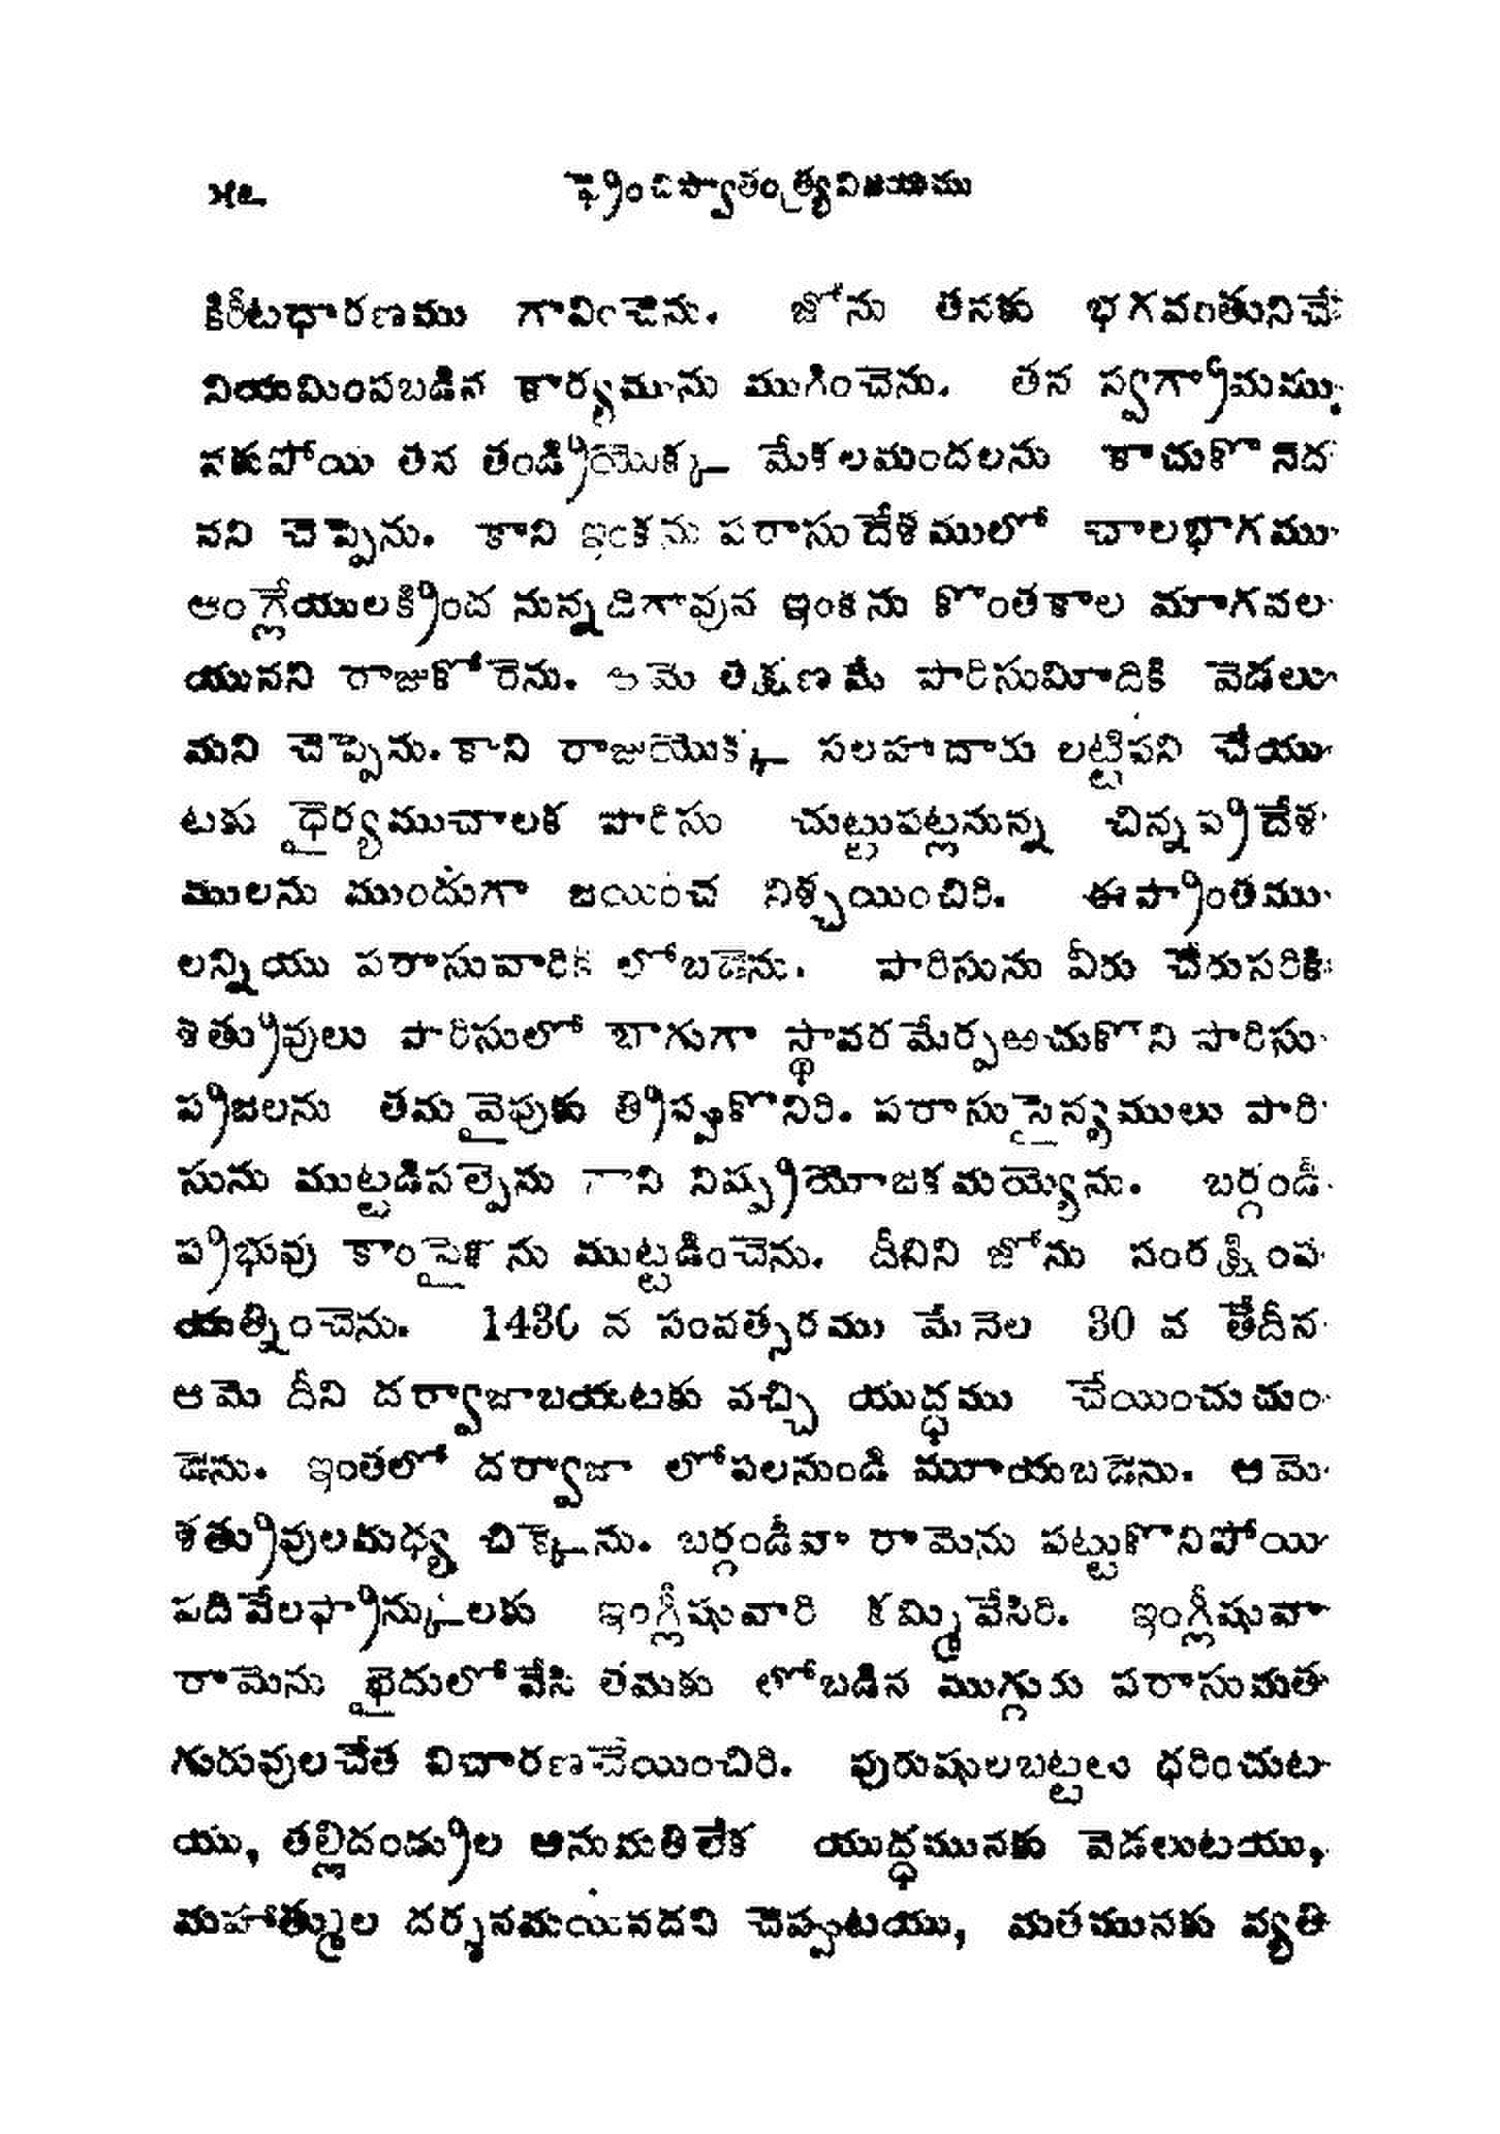కిరీటధారణము గావించెను. జోను తనకు భగవంతునిచే
నియమింపబడిన కార్యమును ముగించెను, తన స్వగ్రామము.
నకు పోయి తన తండ్రి యొక్క మేకల మందలను కాచుకొనెద
నని చెప్పెను. కానీ ఇంకను పరాసు దేశములో చాలభాగము
ఆంగ్లేయుల క్రింద నున్నది గావున ఇంకను కొంతకాల మాగవల
యునని రాజు గోరెను. ఈమె తక్షణమే పారిసు మీదికి వెడలు
మని చెప్పెను. కాని రాజు యొక - సలహాదారు లట్టిపని చేయు
టకు ధైర్యము చాలక పారిసు చుట్టుపట్ల నున్న చిన్న ప్రదేశ'
ములను ముందుగా జయించ నిశ్చయించిరి. ఈ ప్రాంతము
లన్నియు పరాసు వారికి లోబడెను. పారిసును వీరు చేరుసరికి:
శత్రువులు పారిసులో బాగుగా స్థావర మేర్పఱచు కొని పారిసు
ప్రజలను తమ వైపుకు తిప్పుకొనిరి. పరాసు సైన్యములు పారి
సును ముట్టడిసల్పెసు గాని నిష్ప్రయోజక మయ్యెను. బర్గండీ.
ప్రభువు కాం పైన్ ను ముట్టడించెను. దీనిని జోను సంరక్షింప
యత్నించెను. 1430 వ సంవత్సరము మే నెల 30 వ తేదీన
ఆమె దీని దర్వాజా బయటకు వచ్చి యుద్ధము చేయుచుం
డెను. ఇంతలో దర్వాజా లోపలనుండి మూయబడెను. ఆమె
శత్రువుల మధ్య చిక్కెను. బర్గండీవా రామెను పట్టుకొనిపోయి
పది వేల ఫ్రాన్కులకు ఇంగ్లీషువారి కమ్మి వేసిరి. ఇంగ్లీషువా
రామేను ఖైదులో వేసి తమకు లోబడిన ముగ్గురు పరాసు మత
గురువుల చేత విచారణ చేయించిరి. పురుషుల బట్టలు ధరించుట
యు, తల్లిదండ్రుల అనుమతి లేక యుద్ధమునకు వెడలుటయు,
మహాత్ముల దర్శనమయినదని చెప్పుటయు, మతమునకు వ్యతి